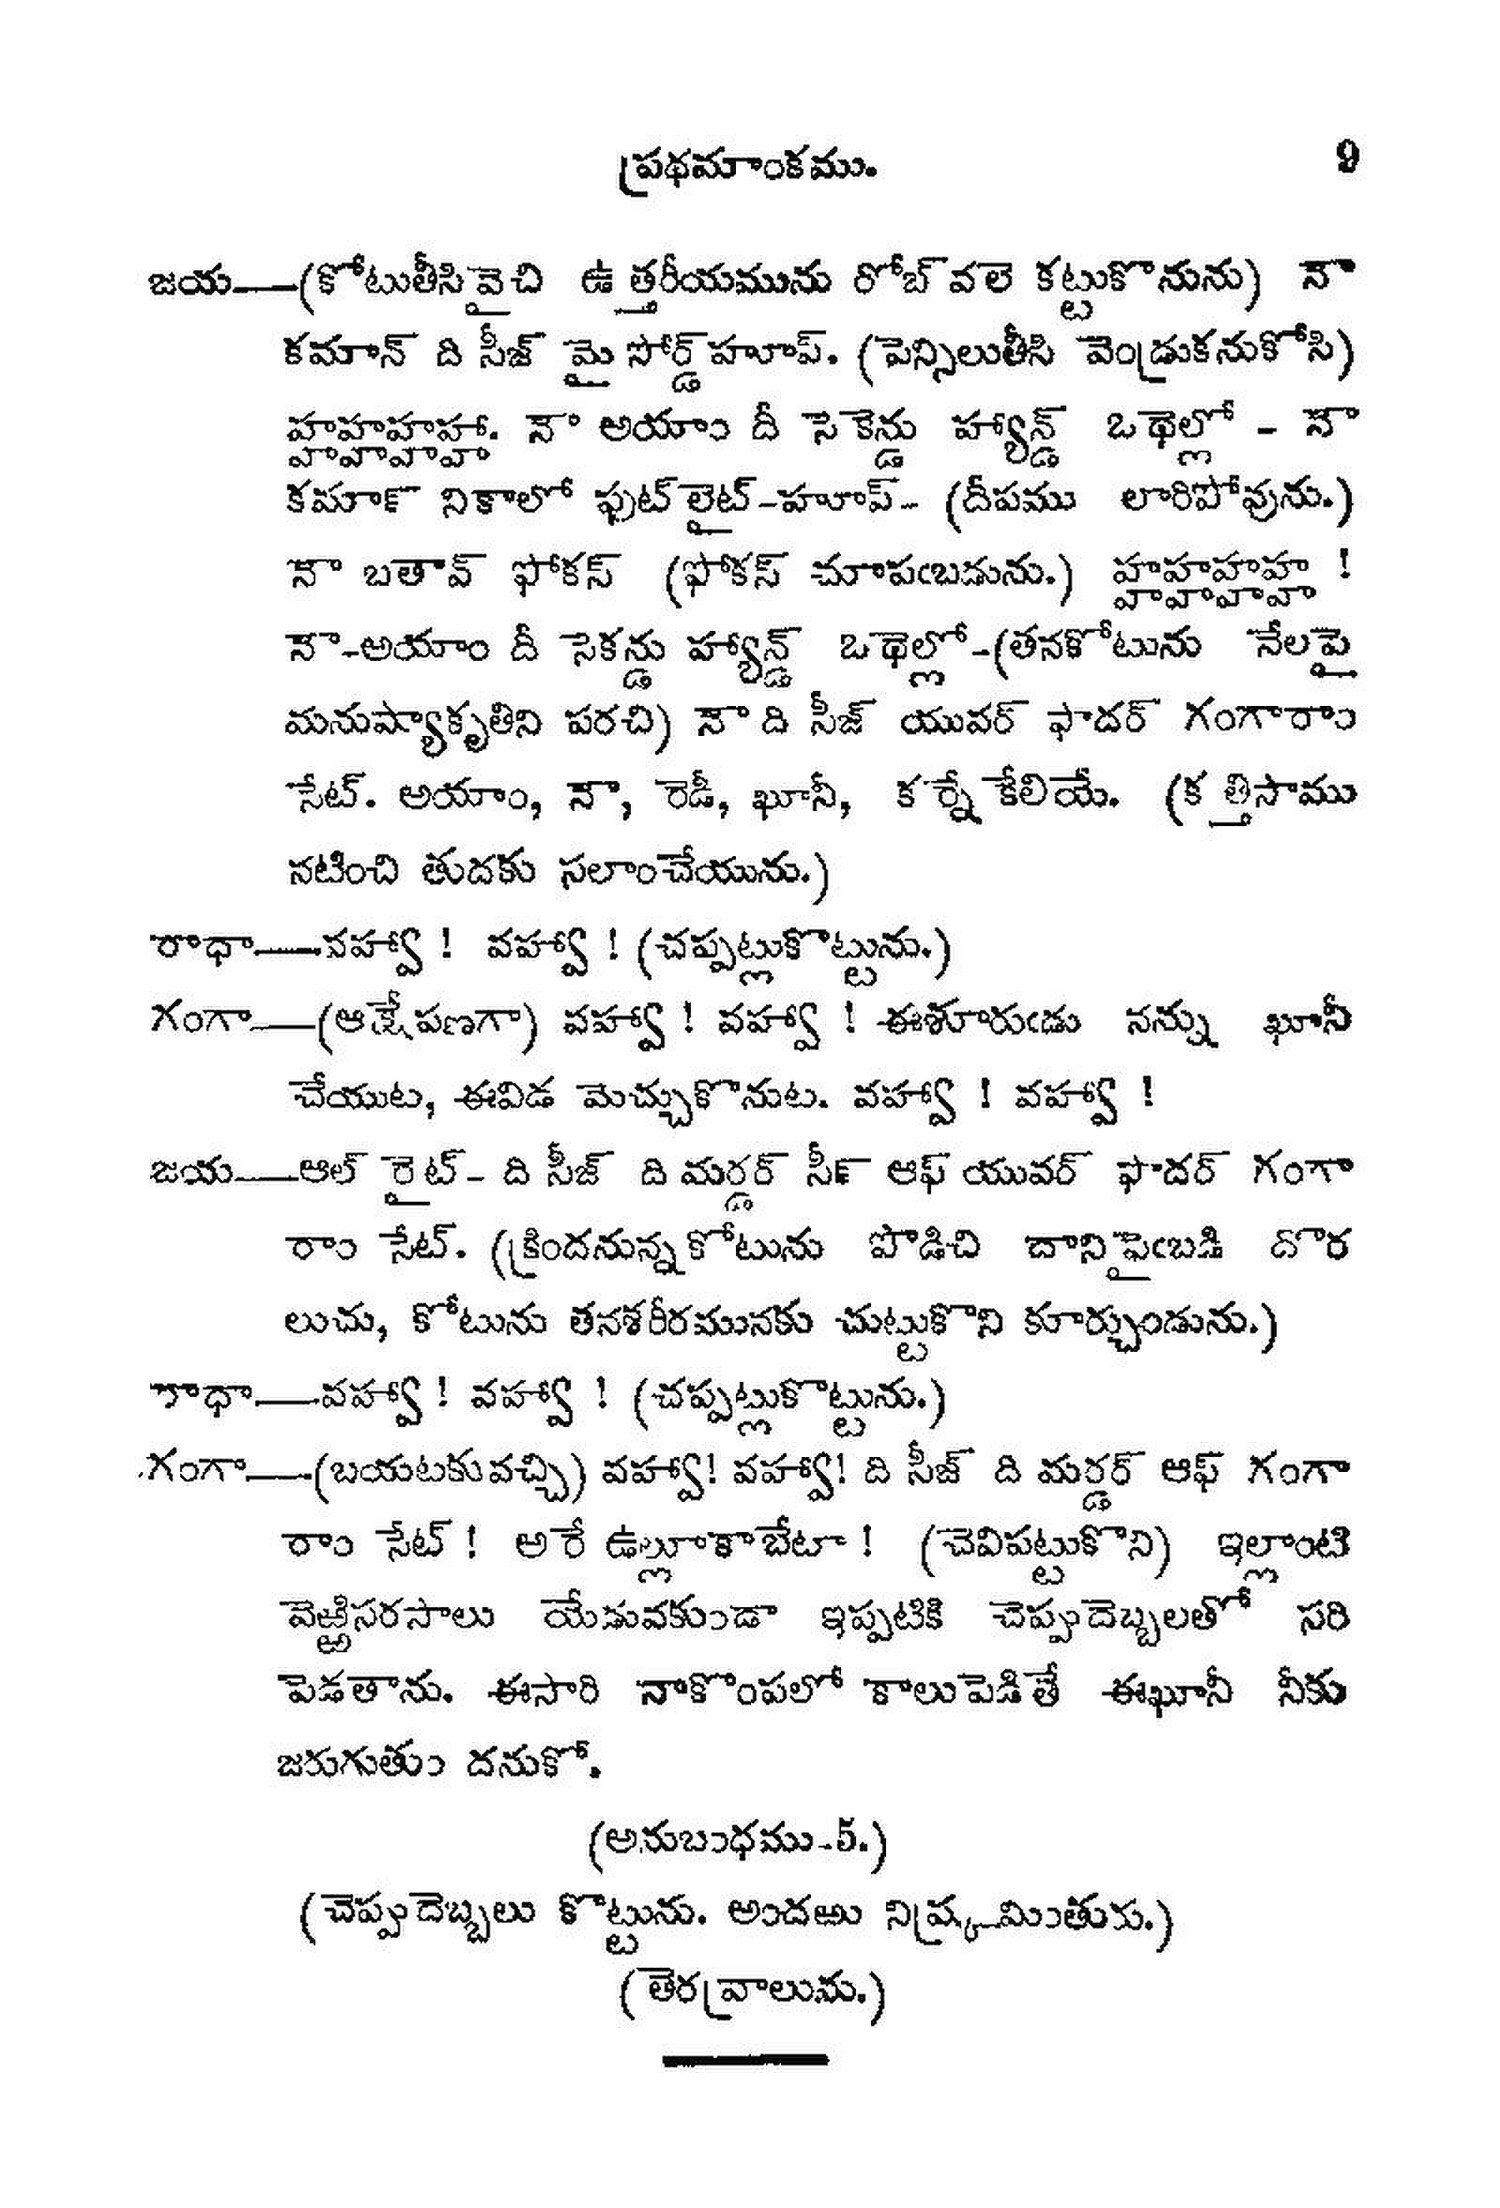జయ - (కోటుతీసివైచి ఉత్తరీయమును రోబ్ వలె కట్టుకొనును) నౌ కమాన్ ది సీజ్ మైసోర్డ్హూప్. (పెన్సిలుతీసి వెండ్రుకనుకోసి) హ్హహ్హహ్హహ్హా. నౌ అయాం దీ సెకెన్డు హ్యాన్డ్ ఒథెల్లో - నౌ కమాన్ నికాలో ఫుట్‌లైట్ -హూప్ - (దీపము లారిపోవును.) నౌ బతావ్ ఫోకస్ (ఫోకస్ చూపఁబడును.) హ్హహ్హహ్హహ్హ !
నౌ - అయాం దీ సెకన్డు హ్యాన్డ్ ఒథెల్లో-(తనకోటును నేలపై మనుష్యాకృతిని పరచి) నౌ ది సీజ్ యువర్ ఫాదర్ గంగారాంసేట్. అయాం, నౌ, రెడీ, ఖూనీ, కర్నే కేలియే. (కత్తిసాము నటించి తుదకు సలాంచేయును.)

రాధా - -వహ్వా ! వహ్వా ! (చప్పట్లు కొట్టును.)

గంగా – (ఆక్షేపణగా) వహ్వా ! వహ్వా ! ఈశూరుఁడు నన్ను ఖూనీ చేయుట, ఈవిడ మెచ్చుకొనుట. వహ్వా ! వహ్వా !

జయ - ఆల్ రైట్- ది సీజ్ ది మర్డర్ సీన్ ఆఫ్ యువర్ ఫాదర్ గంగారాం సేట్. (క్రిందనున్న కోటును పొడిచి దానిఫైఁబడి దొరలుచు, కోటును తనశరీరమునకు చుట్టుకొని కూర్చుండును.)

రాధా - వహ్వా ! వహ్వా ! (చప్పట్లు కొట్టును.)

గంగా - (బయటకువచ్చి) వహ్వా! వహ్వా! ది సీజ్ ది మర్డర్ ఆఫ్ గంగారాం సేట్ ! అరే ఉల్లూకాబేటా ! (చెవిపట్టుకొని) ఇల్లాంటి వెఱ్ఱిసరసాలు యేడువకుండా ఇప్పటికి చెప్పుదెబ్బలతో సరిపెడతాను. ఈసారి నాకొంపలో కాలుపెడితే ఈఖూనీ నీకు జరుగుతుం దనుకో.

__________